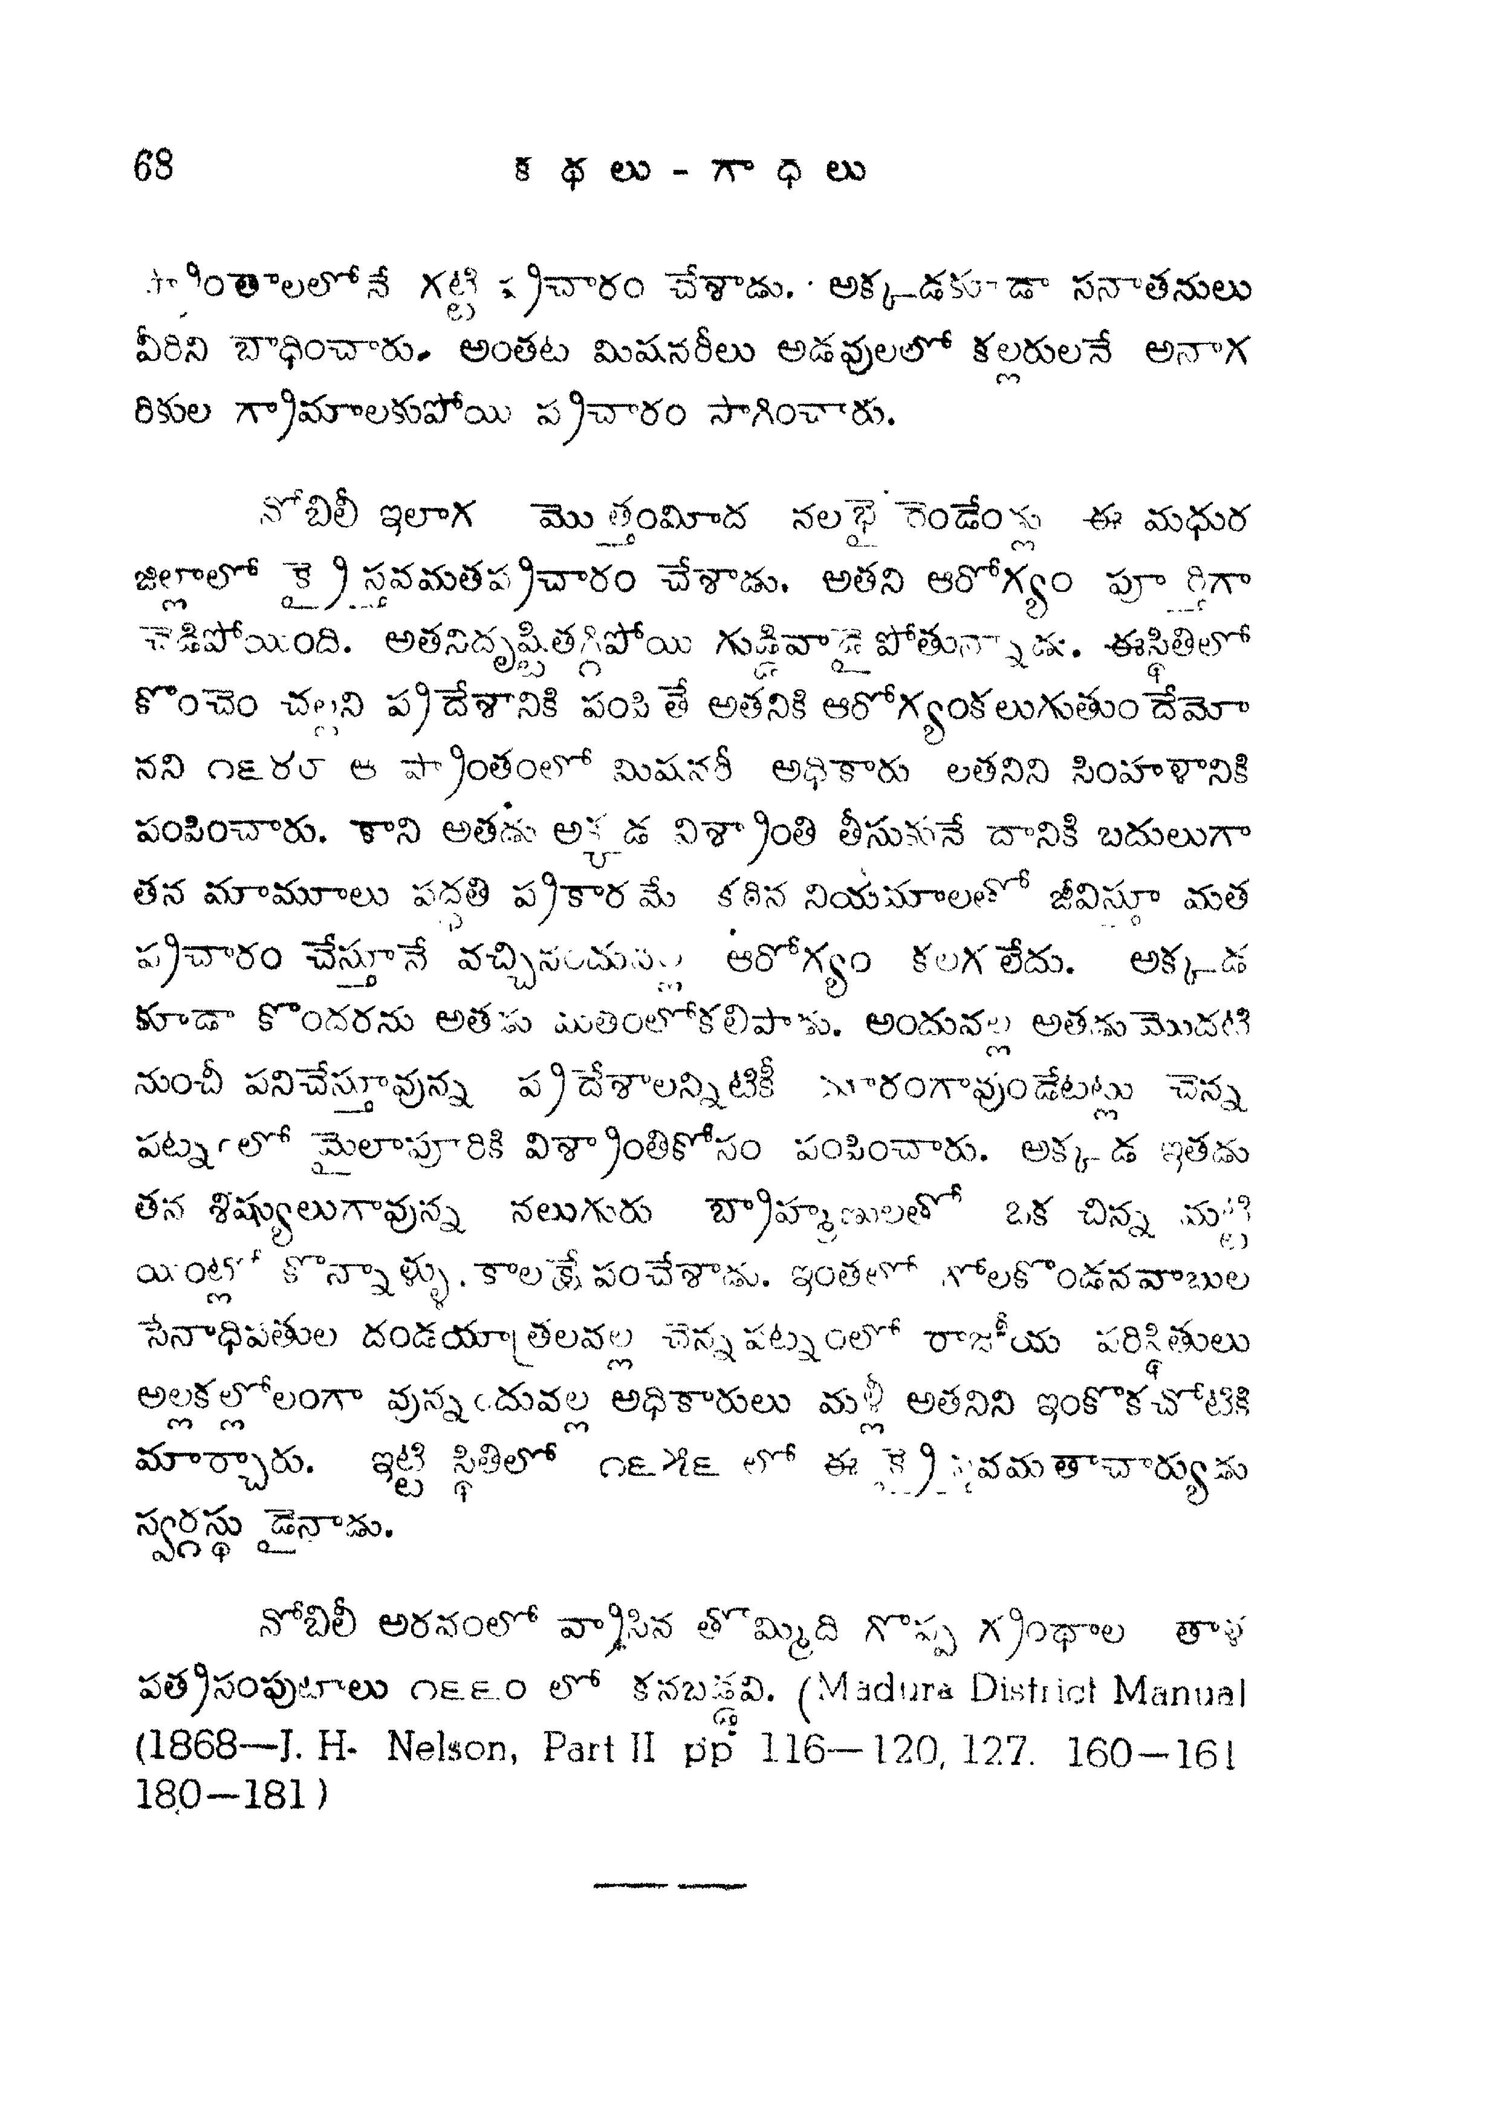ప్రాంతాలలోనే గట్టి ప్రచారం చేశాడు. అక్కడకూడా సనాతనులు వీరిని బాధించారు. అంతట మిషనరీలు అడవులలో కల్లరులనే అనాగరికుల గ్రామాలకు పోయి ప్రచారం సాగించారు.

నోబిలీ ఇలాగ మొత్తంమీద నలభై రెండేండ్లు ఈ మధుర జిల్లాలో క్రైస్తవమత ప్రచారం చేశాడు. అతని ఆరోగ్యం పూర్తిగా చెడిపోయింది. అతనిదృష్టితగ్గిపోయి గుడ్దివాడైపోతున్నాడు. ఈస్థితిలో కొంచెం చల్లని ప్రదేశానికి పంపితే అతనికి ఆరోగ్యంకలుగుతుందేమోనని 1948 ఆ ప్రాంతంలో మిషనరీ అధికారు లతనిని సింహళానికి పంపించారు. కాని అతడు అక్కడ విశ్రాంతి తీసుకునే దానికి బదులుగా తన మామూలు పద్దతి ప్రకారమే కఠిన నియమాలతో జీవిస్తూ మత ప్రచారం చేస్తూనే వచ్చినందువల్ల ఆరోగ్యం కలగలేదు. అక్కడ కూడా కొందరను అతడు మతంలోకలిపాడు. అందువల్ల అతడుమొదటి నుంచీ పనిచేస్తూవున్న ప్రదేశాలన్నిటికీ దూరంగావుండేటట్లు చెన్నపట్నంలో మైలాపూరికి విశ్రాంతికోసం పంపించారు. అక్కడ ఇతడు తన శిష్యులుగావున్న నలుగురు బ్రాహ్మణులతో ఒక చిన్న మట్టింట్లో కొన్నాళ్ళు కాలక్షేపంచేశాడు. ఇంతలో గోలకొండనవాబుల సేనాధిపతుల దండయాత్రలవల్ల చెన్నపట్నంలో రాజకీయ పరిస్థితులు అల్లకల్లోలంగా వున్నందువల్ల అధికారులు మళ్లీ అతనిని ఇంకొకచోటికి మార్చారు. ఇట్టి స్థితిలో 1956 లో ఈ క్రైస్తవమతాచార్యులు స్వర్గస్థుడైనాడు.

నోబిలీ అరవంలో వ్రాసిన తొమ్మిది గొప్ప గ్రంధాల తాళపత్రసంపుటాలు 1990 లో కనబడ్డవి. (Madura District Manual (1868-J.H. Nelson, Part II pp 116-120, 127, 160-161 180-181)
 -----